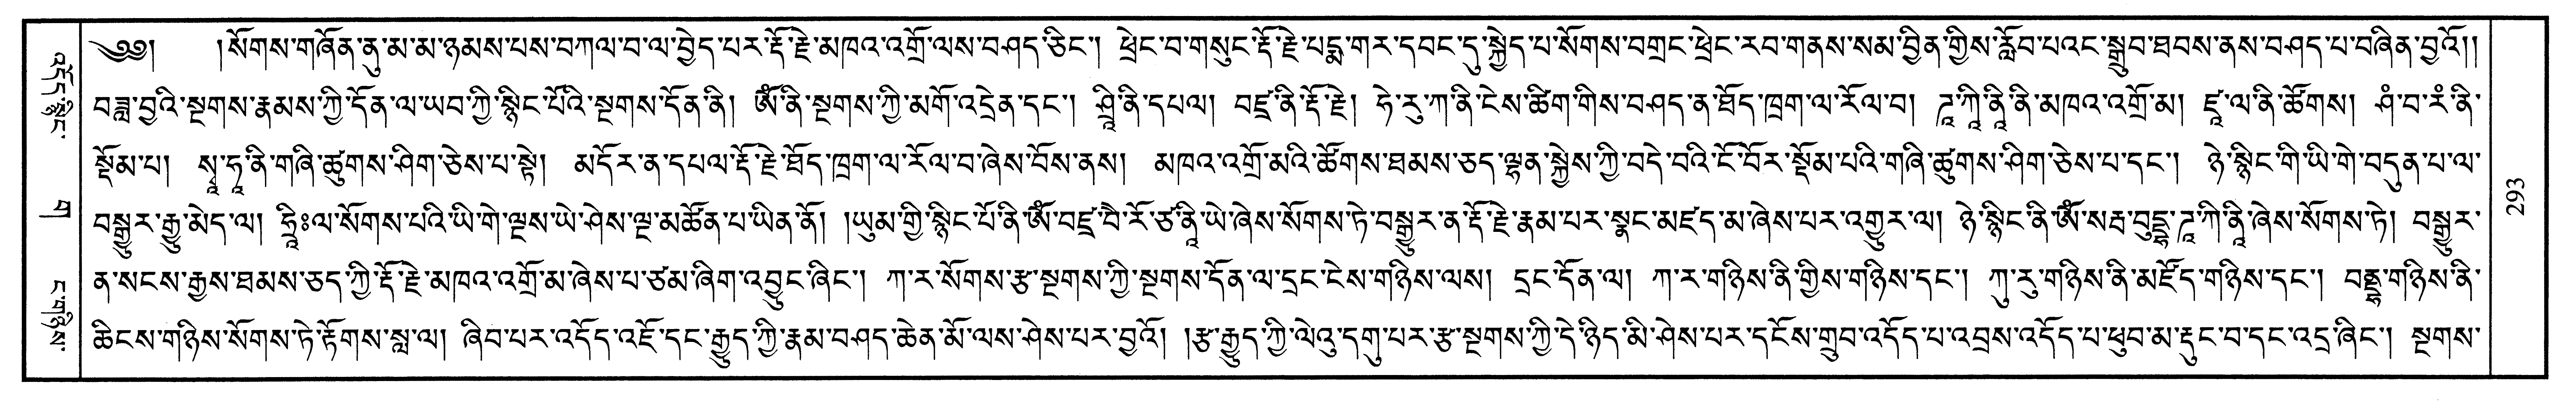༄༅། །སོགས་གཞོན་ནུ་མ་མ་ཉམས་པས་བཀལ་བ་ལ་བྱེད་པར་རྡོ་རྗེ་མཁའ་འགྲོ་ལས་བཤད་ཅིང་། ཕྲེང་བ་གསུང་རྡོ་རྗེ་པདམ་གར་དབང་དུ་སྐྱེད་པ་སོགས་བགྲང་ཕྲེང་རབ་གནས་སམ་བྱིན་གྱིས་རློབ་པའང་སྒྲུབ་ཐབས་ནས་བཤད་པ་བཞིན་བྱའོ།།
བཟླ་བྱའི་སྔགས་རྣམས་ཀྱི་དོན་ལ་ཡབ་ཀྱི་སྙིང་པོའི་སྔགས་དོན་ནི། ཨོཾ་ནི་སྔགས་ཀྱི་མགོ་འདྲེན་དང་། ཤྲཱི་ནི་དཔལ། བཛྲ་ནི་རྡོ་རྗེ། ཧེ་རུ་ཀ་ནི་ངེས་ཚིག་གིས་བཤད་ན་ཐོད་ཁྲག་ལ་རོལ་བ། ཌཱ་ཀཱི་ནཱི་ནི་མཁའ་འགྲོ་མ། ཛཱ་ལ་ནི་ཚོགས། ཤཾ་བ་རཾ་ནི་
སྡོམ་པ། སྭཱ་ཧཱ་ནི་གཞི་ཚུགས་ཤིག་ཅེས་པ་སྟེ། མདོར་ན་དཔལ་རྡོ་རྗེ་ཐོད་ཁྲག་ལ་རོལ་བ་ཞེས་བོས་ནས། མཁའ་འགྲོ་མའི་ཚོགས་ཐམས་ཅད་ལྷན་སྐྱེས་ཀྱི་བདེ་བའི་ངོ་བོར་སྡོམ་པའི་གཞི་ཚུགས་ཤིག་ཅེས་པ་དང་། ཉེ་སྙིང་གི་ཡི་གེ་བདུན་པ་ལ་
བསྒྱུར་རྒྱུ་མེད་ལ། ཧྲཱིཿ ལ་སོགས་པའི་ཡི་གེ་ལྔས་ཡེ་ཤེས་ལྔ་མཚོན་པ་ཡིན་ནོ། །ཡུམ་གྱི་སྙིང་པོ་ནི་ཨོཾ་བཛྲ་བཻ་རོ་ཙ་ནཱི་ཡེ་ཞེས་སོགས་ཏེ་བསྒྱུར་ན་རྡོ་རྗེ་རྣམ་པར་སྣང་མཛད་མ་ཞེས་པར་འགྱུར་ལ། ཉེ་སྙིང་ནི་ཨོཾ་སརྦ་བུདྡྷ་ཌཱ་ཀི་ནཱི་ཞེས་སོགས་ཏེ། བསྒྱུར་
ན་སངས་རྒྱས་ཐམས་ཅད་ཀྱི་རྡོ་རྗེ་མཁའ་འགྲོ་མ་ཞེས་པ་ཙམ་ཞིག་འབྱུང་ཞིང་། ཀ་ར་སོགས་རྩ་སྔགས་ཀྱི་སྔགས་དོན་ལ་དྲང་ངེས་གཉིས་ལས། དྲང་དོན་ལ། ཀ་ར་གཉིས་ནི་གྱིས་གཉིས་དང་། ཀུ་རུ་གཉིས་ནི་མཛོད་གཉིས་དང་། བནྡྷ་གཉིས་ནི་
ཆིངས་གཉིས་སོགས་ཏེ་རྟོགས་སླ་ལ། ཞིབ་པར་འདོད་འཇོ་དང་རྒྱུད་ཀྱི་རྣམ་བཤད་ཆེན་མོ་ལས་ཤེས་པར་བྱའོ། །རྩ་རྒྱུད་ཀྱི་ལེའུ་དགུ་པར་རྩ་སྔགས་ཀྱི་དེ་ཉིད་མི་ཤེས་པར་དངོས་གྲུབ་འདོད་པ་འབྲས་འདོད་པ་ཕུབ་མ་རྡུང་བ་དང་འདྲ་ཞིང་། སྔགས་